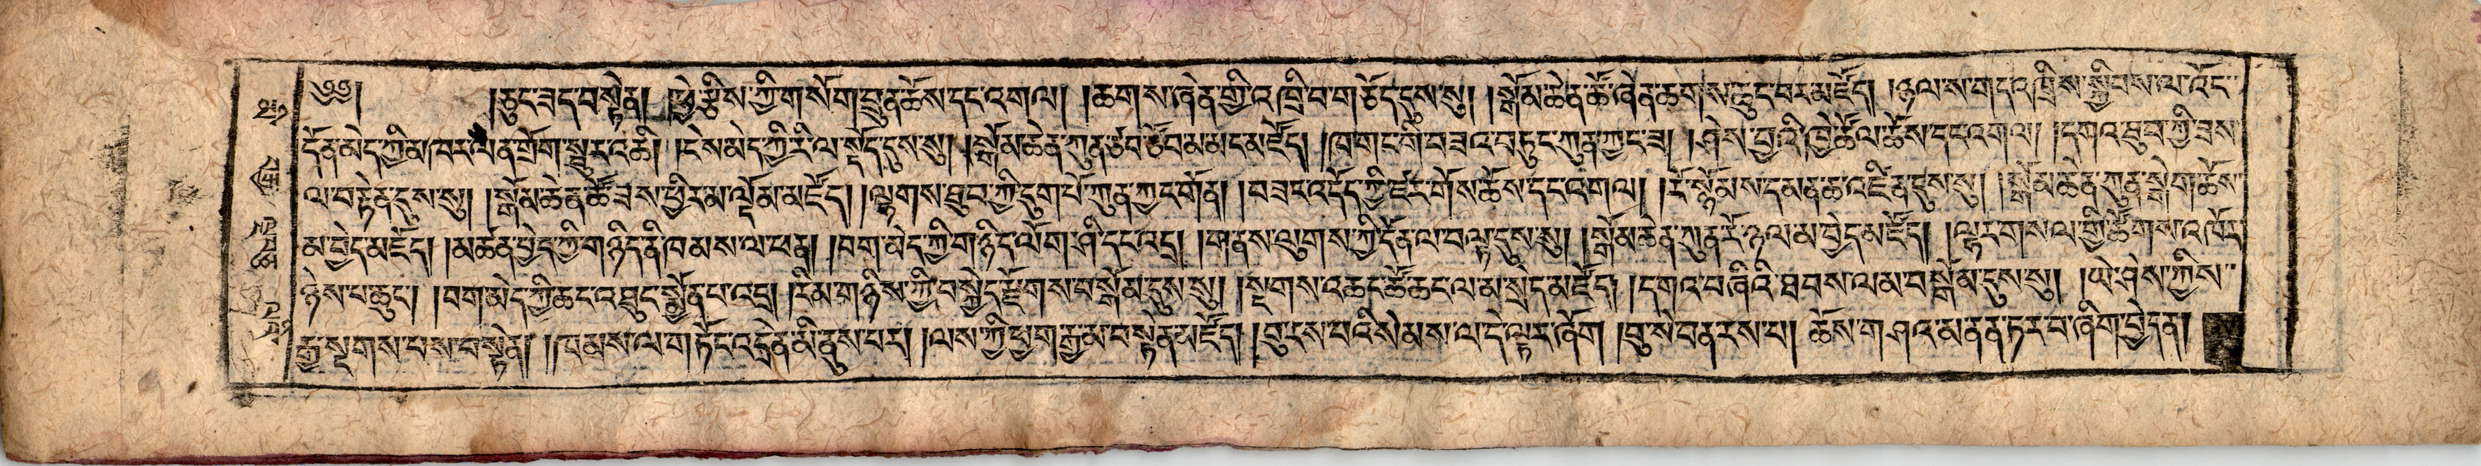ཅུང་ཟད་བསྟེན། །ཕྱེ་རྩིས་ཀྱི་གསོག་བྲུན་ཆོས་དང་འགལ། །ཆགས་ཞེན་གྱི་འཁྲི་བ་གཅོད་དུས་སུ། །སྒོམ་ཆེན་ཚོ་ཞེན་ཆགས་ཆུང་བར་མཛོད། །ཉལ་ས་གད་འཁྲིས་སྐྱིབས་ལ་འོང་། །
དོན་མེད་ཀྱི་མཁར་ལན་གྲོག་སྦུར་འཆི། །ངེས་མེད་ཀྱི་རི་ལ་སྡོད་དུས་སུ། །སྒོམ་ཆེན་ཀུན་ཙབ་ཙོབ་མ་མང་མཛོད། །ཁ་གང་གི་བཟའ་བཏུང་ཀུན་ཀྱང་ཟ། །ཤེས་བྱའི་ཁྱེ་ཚོལ་ཆོས་དང་འགལ། །དགའ་ཐུབ་ཀྱི་ཟས་
ལ་བརྟེན་དུས་སུ། །སྒོམ་ཆེན་ཚོ་ཟས་ཕྱིར་མ་ལྡོམ་མཛོད། །ལྷགས་ཐུབ་ཀྱི་དུག་པོ་ཀུན་ཀྱང་གོན། །བཟར་འདོད་ཀྱི་དར་གོས་ཆོས་དང་འགལ། །རོ་སྙོམས་དམན་ཆ་འཛིན་དུས་སུ། །སྒོམ་ཆེན་ཀུན་སྒེག་ཆོས་
མ་བྱེད་མཛོད། །མཚན་ཕྱེད་ཀྱི་གཉིད་ནི་ཁམས་ལ་ཕན། །བག་མེད་ཀྱི་གཉིད་ལོག་ཤི་དང་འདྲ། །གནས་ལུགས་ཀྱི་དོན་ལ་བལྟ་དུས་སུ། །སྒོམ་ཆེན་ཀུན་རོ་ཉལ་མ་བྱེད་མཛོད། །ལྷར་གསལ་གྱི་ཚོགས་འཁོར་
ཉེས་པ་ཆུང་། །བག་མེད་ཀྱི་ཆང་འཐུང་སྨྱོན་པ་འདྲ། །རིམ་གཉིས་ཀྱི་བསྐྱེད་རྫོགས་པ་སྒོམ་དུས་སུ། །སྔགས་འཆང་ཚོ་ཆང་ལ་མ་སྲེད་མཛོད། །དགའ་བཞིའི་ཐབས་ལམ་བསྒོམ་དུས་སུ། །ཡེ་ཤེས་ཀྱི་
རྒྱ་སྔགས་པས་བསྟེན། །ཁམས་ལ་གཏོང་འདྲེན་མི་ནུས་པར། །ལས་ཀྱི་ཕྱག་རྒྱ་མ་བསྟེན་མཛོད། །བུ་རས་པའི་སེམས་ལ་དེ་ལྟར་ཞོག །བུ་སེ་བནརས་པ། ཆོས་གཤའ་མ་ནན་ཏར་བ་ཞིག་བྱེད་ན།